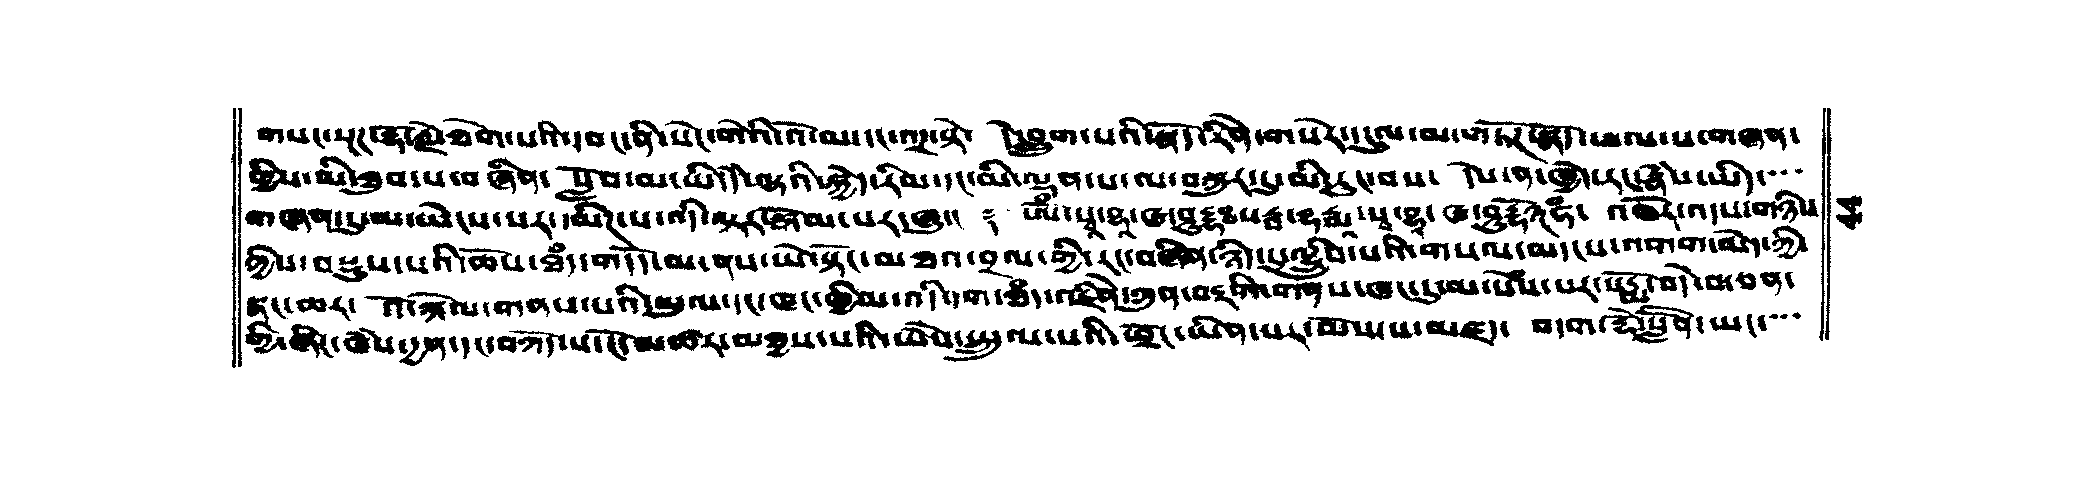གསང་སྔགས་རྡོ་རྗེ་ཐེག་པའི་དབང་ནི་སེང་གེའི་འོ་མ་དང་འདྲ་སྟེ། དེ་བླུག་པའི་སྣོད་རིན་ཆེན་གསེར་དངུལ་མ་གཏོགས་སྣོད་ཕལ་པ་གཞན་
གྱིས་མི་ཐུབ་པ་བཞིན། སློབ་མ་ཡིད་དམ་ལྷའི་སྐྱེད་རིམ་དང་མི་ལྡན་པ་ལ་བསྐུར་དུ་མི་རུང་བས། དེས་ན་ཁྱེད་རང་རང་རྣམས་ཡིད་
གཞན་དུ་མ་ཡེངས་པར་དམིགས་པ་འདི་ལྟར་སྒོམ་པར་ཞུ། ༈ ཨོཾ་སྭཱ་བྷཱ་ཝ་ཤུདྡྷཿསརྦ་བྷརྨཱ་སྭ་བྷཱ་ཝ་ཤུདྡྷོ྅ཧྃ། འཁོར་འདས་གཉིས་
ཀྱིས་བསྡུས་པའི་ཆོས་ཐམས་ཅད་གདོད་མ་ནས་ཡེ་སྟོང་མཐའ་བྲལ་གྱི་རང་བཞིན་ཉིད་དུ་ལྷུན་གྱིས་གྲུབ་པའི་གསལ་མདངས་འགག་མེད་ཀྱི་
སྣང་ཆར། འོ་སྐོལ་གནས་པའི་ཡུལ་དང་ཁང་ཁྱིམ་འདི་དག་ཐམས་ཅད་འཇིག་རྟེན་ཀུན་བརྟག་གི་གནས་ཁང་དུ་མ་སེམས་པར་པདྨོ་བདེ་བརྩན་
གྱི་ཞིང་ཁམས་རྒྱན་དང་བཀོད་པ་ངོ་མཚར་མཐུ་རྒྱས་པའི་ཡེ་ཤེས་སྤྲུལ་པའི་ཕོ་བྲང་ཡིན་པར་མོས་པ་མཛད། བདག་རྡོ་རྗེ་སློབ་དཔོན་ཡང་